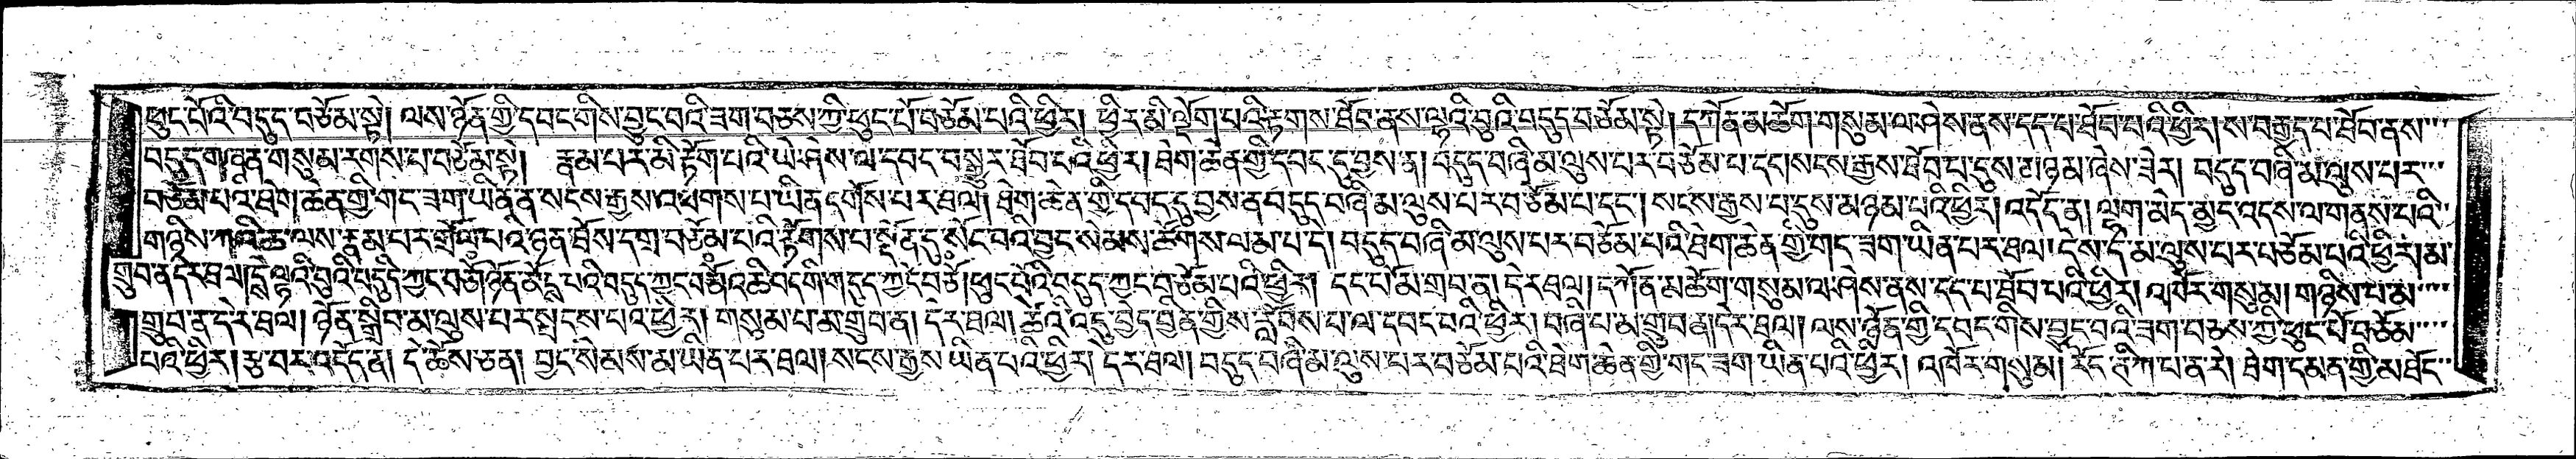ཕུང་པོའི་བདུད་བཅོམ་སྟེ། ལས་ཉོན་གྱི་དབང་གིས་བྱུང་བའི་ཟག་བཅས་ཀྱི་ཕུང་པོ་བཅོམ་པའི་ཕྱིར། ཕྱིར་མི་ལྡོག་པའི་རྟགས་ཐོབ་ནས་ལྷའི་བུའི་བདུད་བཅོམ་སྟེ། དཀོན་མཆོག་གསུམ་ལ་ཤེས་ནས་དད་པ་ཐོབ་པའི་ཕྱིར། ས་བརྒྱད་པ་ཐོབ་ནས།
བདུད་གཞན་གསུམ་རས་པ་བཅོམ་སྟེ། རྣམ་པར་མི་རྟོག་པའི་ཡེ་ཤེས་ལ་དབང་བསྒྱུར་ཐོབ་པའི་ཕྱིར་ཐེག་ཆེན་གྱི་དབང་དུ་བྱས་ན། བདུད་བཞི་མ་ལུས་པར་བཅོམ་པ་དང་། སངས་རྒྱས་ཐོབ་པ་དུད་མཉ་ཞེས་ཟེར། བདུད་བཞི་མ་ལུས་པར་
བཅོམ་པའི་ཐེག་ཆེན་གྱི་གང་ཟག་ཡིན་ནས་སངས་རྒྱས་འཕགས་པ་ཡིན་དགོས་པར་ཐལ། ཐེག་ཆེན་གྱི་དབང་དུ་བྱས་ན་བདུད་བཞི་མ་ལུས་པར་བཅོམ་པ་དང་། སངས་རྒྱས་པ་དུས་མཉམ་པའི་ཕྱིར། འདོད་ན། ལྷག་མེད་མྱང་འདས་ལ་གནས་པའི་
གཉིས་ཀའི་ཆ་ལས་རྣམ་པར་གྲོལ་པའི་ཉན་ཐོས་དགྲ་བཅོམ་པའི་རྟོགས་པ་སྔོན་དུ་སོངས་བའི་བྱང་སེམས་ཚོགས་ལམ་པ་དེ། བདུད་བཞི་མ་ལུས་པར་བཅོམ་པའི་ཐེག་ཆེན་གྱི་གང་ཟག་ཡིན་པར་ཐལ། དེས་དེ་མ་ལུས་པར་བཅོམ་པའི་ཕྱིར། མ་
གྲུབ་ན་དེར་ཐལ། དེས་ལྷའི་བུའི་བདུད་ཀྱང་བཅོ།ཉོན་མོངས་པའི་བདུད་ཀྱང་བཅོ། འཆི་བདག་བདུད་ཀྱང་བཅོ། ཕུང་པོའི་བདུད་ཀྱང་བཅོམ་པའི་ཕྱིར། དང་པོ་མ་གྲུབ་ན། དེར་ཐལ། དཀོན་མཆོག་གསུམ་ལ་ཤེས་ནས་དད་པ་ཐོབ་པའི་ཕྱིར། འཁོར་གསུམ། གཉིས་བསམ། གཉིས་བ་མ་
པའི་ཕྱིར། རྩ་བར་འདོད་ན། དེ་ཆོས་ཅན། བྱང་སེམས་མ་ཡིན་པར་ཐལ། སངས་རྒྱས་ཡིན་པའི་ཕྱིར་དེར་ཐལ། བདུད་བཞི་མ་ལུས་པར་བཅོམ་པའི་ཐེག་ཆེན་གྱི་གང་ཟག་ཡིཧ་པའི་ཕྱིར། འཁོར་གསུམ། རོང་ཊི་ཀ་པ་ན་རེ། ཐེག་དམན་གྱི་མཐོན་